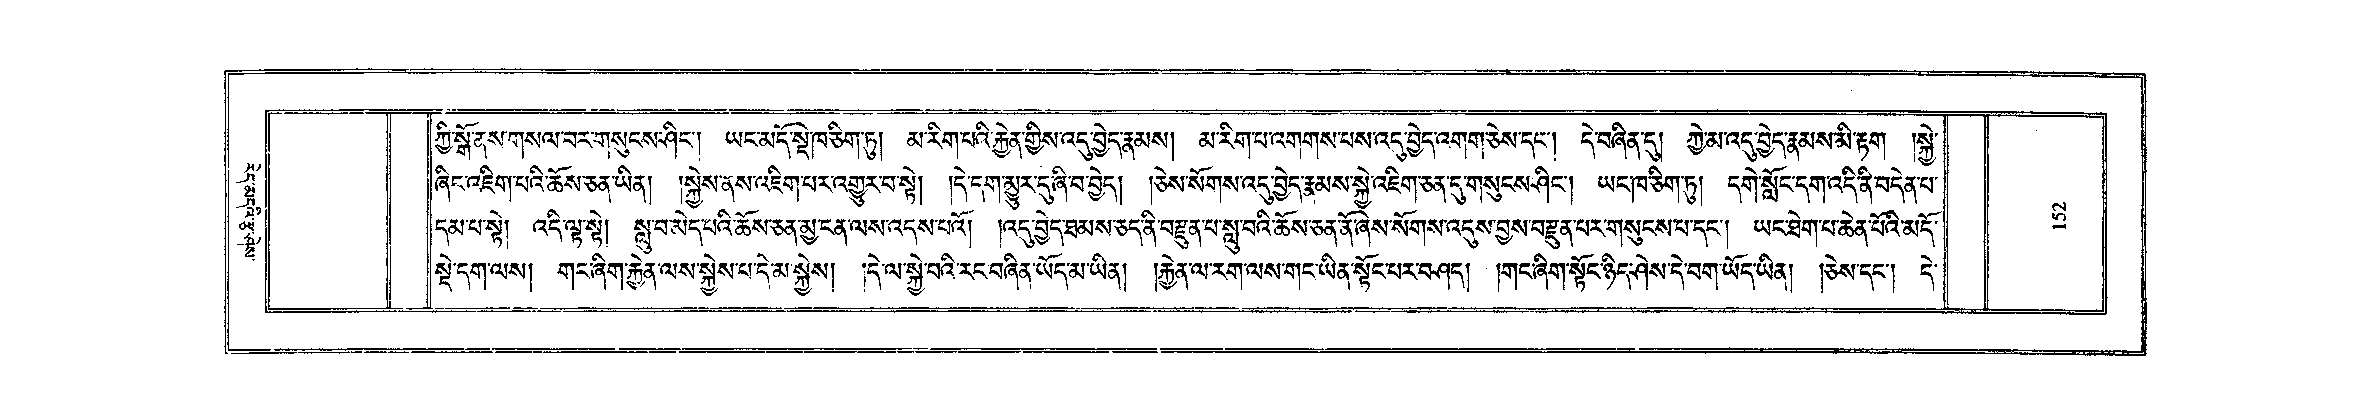ཀྱི་སྒོ་ནས་གསལ་བར་གསུངས་ཤིང་། ཡང་མདོ་སྡེ་ཁ་ཅིག་ཏུ། མ་རིག་པའི་རྐྱེན་གྱིས་འདུ་བྱེད་རྣམས། མ་རིག་པ་འགགས་པས་འདུ་བྱེད་འགག་ཅེས་དང་། དེ་བཞིན་དུ། ཀྱེ་མ་འདུ་བྱེད་རྣམས་མི་རྟག །སྐྱེ་
ཞིང་འཇིག་པའི་ཆོས་ཅན་ཡིན། །སྐྱེས་ནས་འཇིག་པར་འགྱུར་པ་སྟེ། །དེ་དག་མྱུར་དུ་ཞི་བ་བྱེད། །ཅེས་སོགས་འདུ་བྱེད་རྣམས་སྐྱེ་འཇིག་ཅན་དུ་གསུངས་ཤིང་། ཡང་ཁ་ཅིག་ཏུ། དགེ་སློང་དག་འདི་ནི་བདེན་པ་
དམ་པ་སྟེ། འདི་ལྟ་སྟེ། སླུ་བ་མེད་པའི་ཆོས་ཅན་མྱ་ངན་ལས་འདས་པའོ། །འདུ་བྱེད་ཐམས་ཅད་ནི་བརྫུན་པ་སླུ་བའི་ཆོས་ཅན་ནོ་ཞེས་སོགས་འདུས་བྱས་བརྫུན་པར་གསུངས་པ་དང་། ཡང་ཐེག་པ་ཆེན་པོའི་མདོ་
སྡེ་དག་ལས། གང་ཞིག་རྐྱེན་ལས་སྐྱེས་པ་དེ་མ་སྐྱེས། །དེ་ལ་སྐྱེ་བའི་རང་བཞིན་ཡོད་མ་ཡིན། །རྐྱེན་ལ་རག་ལས་གང་ཡིན་སྟོང་པར་བཤད། །གང་ཞིག་སྟོང་ཉིད་ཤེས་དེ་བག་ཡོད་ཡིན། །ཅེས་དང་། དེ་